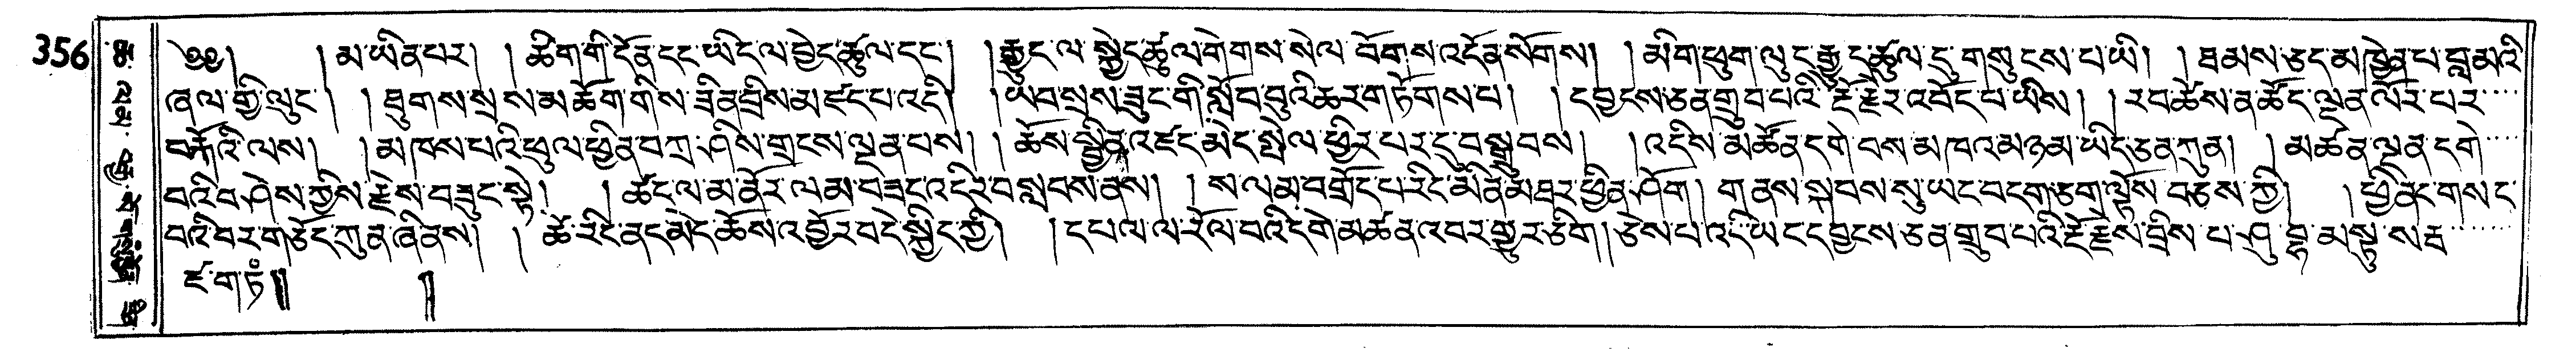༄༅། །མ་ཡིན་པར། ཚིག་གི་དོན་དང་ཡིད་ལ་བྱེད་ཚུལ་དང་། །རྒྱུད་ལ་སྐྱེད་ཚུལ་གེགས་སེལ་བོགས་འདོན་སོགས། །མིག་ཕུག་ལུང་རྒྱུད་ཚུལ་དུ་གསུངས་པ་ཡི། །ཐམས་ཅད་མཁྱེན་པ་བླ་མའི་
ཞལ་གྱི་ལུང་། །ཐུགས་སྲས་མཆོག་གིས་ཟིན་བྲིས་མཛད་པ་འདི། །ཡབ་སྲས་ཟུང་གི་སློབ་བུའི་ཆར་གཏོགས་པ། །དབྱངས་ཅན་གྲུབ་པའི་རྡོ་རྗེར་འབོད་པ་ཡིས། །རབ་ཚེས་ན་ཚོད་ལྡན་ལོར་པར་
བརྐོའི་ལས། །མཁས་པའི་ཕུལ་ཕྱིན་བཀྲ་ཤིས་གྲངས་ལྡན་པས། །ཆོས་སྦྱིན་འཛད་མེད་སྤེལ་ཕྱིར་པར་དུ་བསྒྲུབས། །འདིས་མཚོན་དགེ་བས་མཁའ་མཉམ་ཡིད་ཅན་ཀུན། །མཚན་ལྡན་དགེ་
བའི་བཤེས་ཀྱིས་རྗེས་བཟུང་སྟེ། །ཚང་ལ་མ་ནོར་ལམ་བཟང་འདིར་བསླབས་ནས། །ས་ལམ་བགྲོད་པ་རིང་མིན་མཐར་ཕྱིན་ཤོག། གནས་སྐབས་སུ་ཡང་བདག་ཅག་ལྟོས་བཅས་ཀྱི། །ཕྱི་ནང་གསང་
བའི་བར་གཅོད་ཀུན་ཞི་ནས། །ཚེ་རིང་ནད་མེད་ཆོས་འབྱོར་བདེ་སྐྱིད་ཀྱི། །དཔལ་ལ་རོལ་བའི་དགེ་མཚན་འབར་གྱུར་ཅིག །ཅེས་པ་འདི་ཡང་དབྱངས་ཅན་གྲུབ་པའི་རྡོ་རྗེས་བྲིས་པ་ཤུ་བྷ་མ་སྟུ་སརབ་
ཛ་ག་ཏཾ།། །།